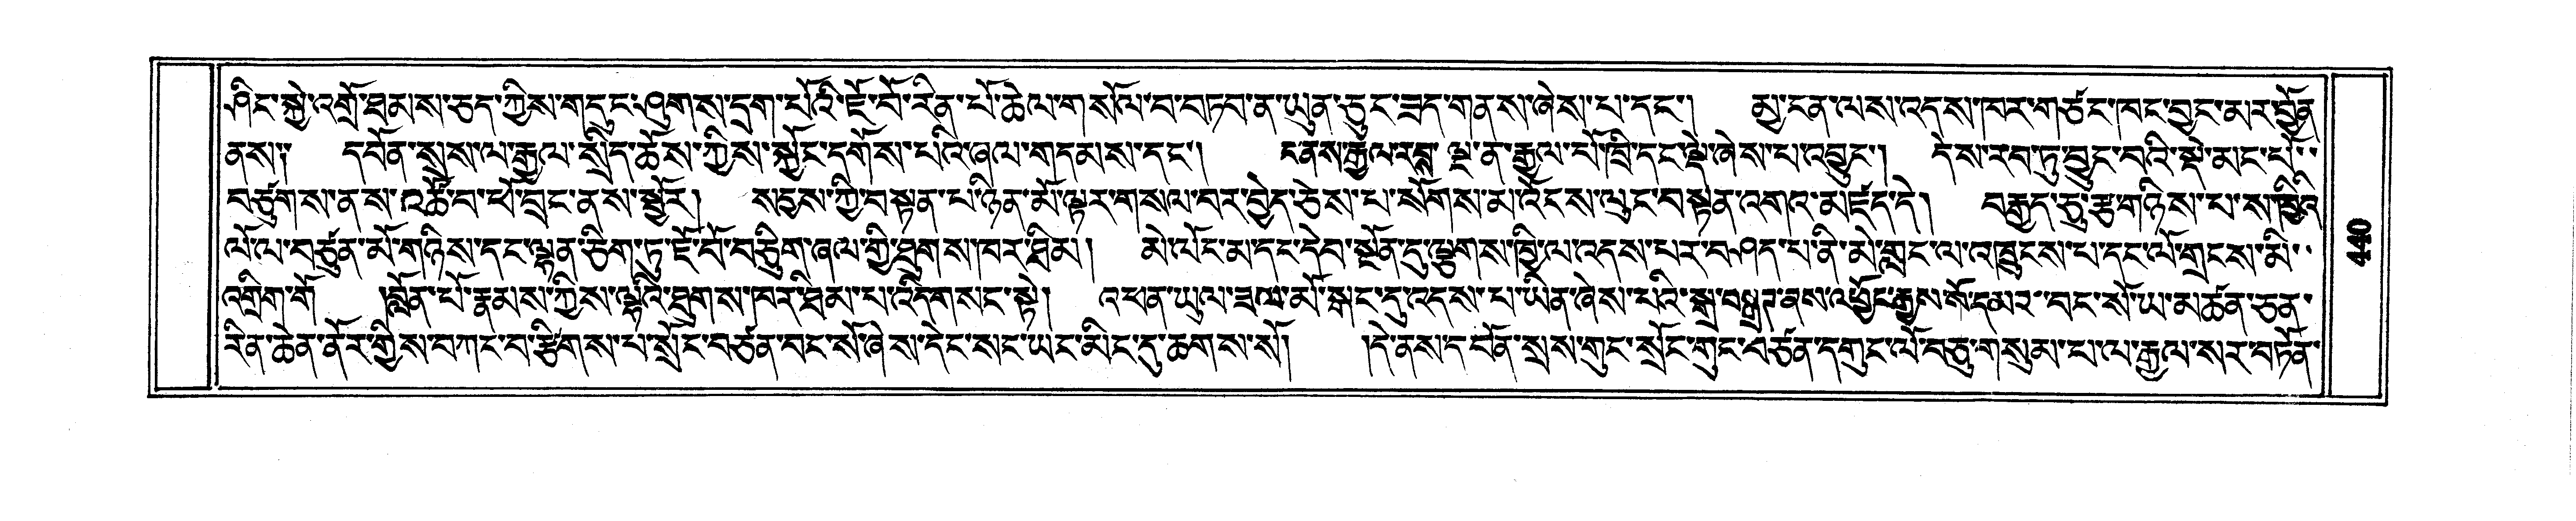ཤིང་སྐྱེ་འགྲོ་ཐམས་ཅད་ཀྱིས་གདུང་ཤུགས་དྲག་པོའི་ཇོ་བོ་རིན་པོ་ཆེལ་གསོལ་བ་བཏབ་ན་ཡུན་ཅུང་ཟད་གནས་ཞེས་པ་དང་། མྱ་ངན་ལས་འདས་ཁར་གཙང་ཁང་བྱང་མར་བྱོན་
ནས༑ དབོན་སྲས་ལ་རྒྱལ་སྲིད་ཆོས་ཀྱིས་སྐྱོང་དགོས་པའི་ཞལ་གདམས་དང་། ང་ནས་རྒྱལ་རབས་ལྔ་ན་རྒྱལ་པོ་ཁྲི་དང་ལྡེ་ཞེས་པ་འབྱུང་། དེས་རབ་ཏུ་བྱུང་བའི་སྡེ་མང་པོ་
བཙུགས་ནས་འཚོ་བ་ཕོ་བྲང་ནས་སྦྱོར། སདྱས་ཀྱི་བསྟན་པ་ཉིན་མོ་ལྟར་གསལ་བར་བྱེད་ཅེས་པ་སོགས་མ་འོངས་ལུང་བསྟན་འགའ་མཛད་དེ། བརྒྱད་ཅུ་རྩ་གཉིས་པ་ས་ཁྱིའི་
ལོ་ལ་བཙུན་མོ་གཉིས་དང་ལྷན་ཅིག་ཏུ་ཇོ་བོ་བཅུཨིག་ཞལ་གྱི་ཐུགས་ཁར་ཐིམ། མེ་ལོང་མ་དང་དེབ་སྔོན་དུ་ལྕགས་ཁྱི་ལ་འདས་པར་བཤད་པ་ནི་མེ་གླང་ལ་འཁྲུངས་པ་དང་ལོ་གྲངས་མི་
འགྲིག་གོ །བློན་པོ་རྣམས་ཀྱིས་ལྷའི་ཐུགས་ཁར་ཐིམ་པ་འདི་གསང་སྟེ། འཕན་ཡུལ་ཟལ་མོ་སྒང་དུ་འདས་པ་ཡིན་ཞེས་པའི་སྒྲ་བསྒྲཌ་ནས་འཕྱོང་རྒྱས་སོ་དམར་བང་སོ་ཡ་མཚན་ཅན་
རིན་ཆེན་ནོར་གྱིས་བཀང་བ་རྩིགས་པ་སྲོང་བཙན་བང་སོ་ཞེས་དེང་སང་ཡང་མིང་དུ་ཆགས་སོ། །དེ་ནས་དབོན་སྲས་གུང་སྲོང་གུང་བཙན་དགུང་ལོ་བཅུ་གསུམ་པ་ལ་རྒྱལ་སར་བཏོན་